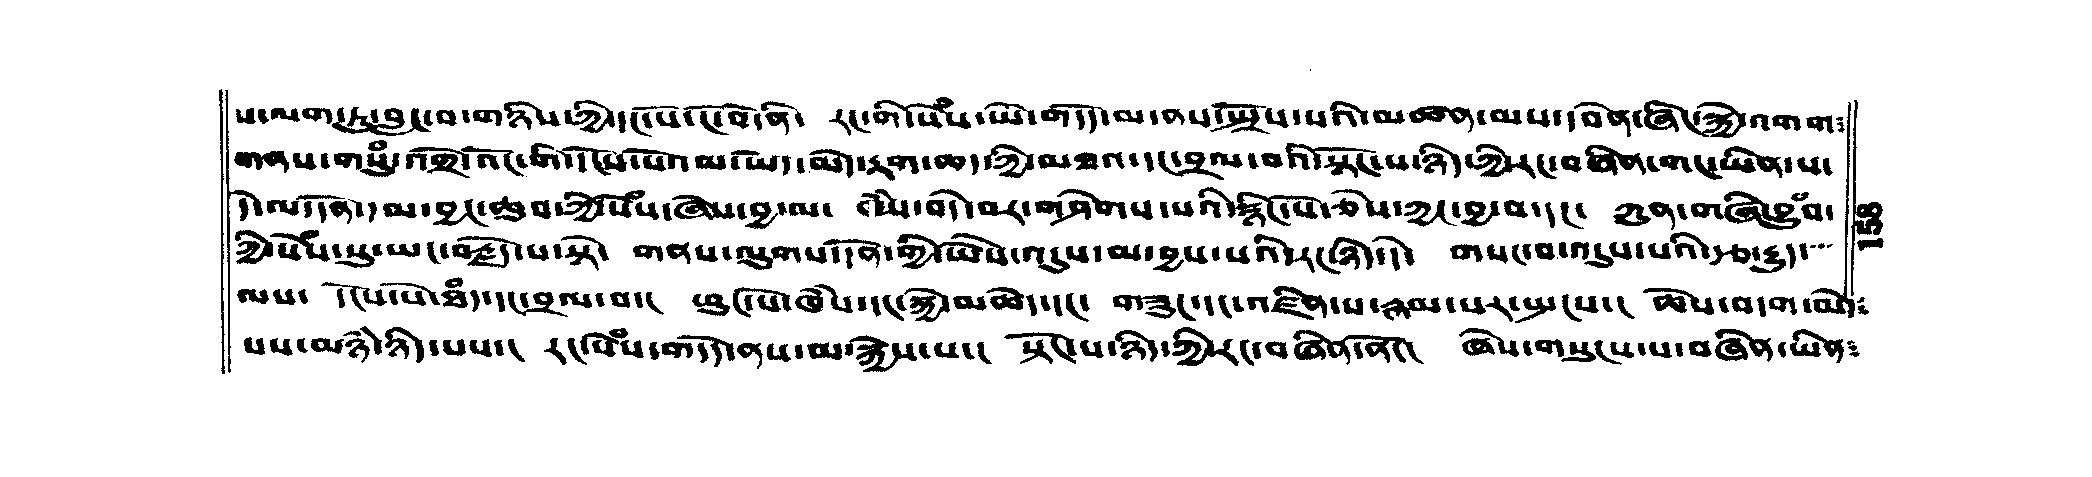པ་ལག་ཏུ་བླང་བ་གཉིས་ཀྱི་དང་པོ་ངོ་བོ་ནི། རང་གི་སེམས་ཡེ་གདོད་མ་ནས་སྤྲོས་པའི་མཚན་མས་དབེན་ཞིང་སྐྱེ་འགག་
གནས་གསུམ་འགྲོ་འོང་གི་དངོས་པོའམ་ཡོད་མེད་རྟག་ཆད་ཀྱི་མཐའ་དང་བྲལ་བའི་སྟོང་པ་ཉིད་ཀྱི་རང་བཞིན་གང་ཡིན་པ་
དེ་ལ་དོན་དམ་བྱང་ཆུབ་ཀྱི་སེམས་ཞེས་བྱ་ལ། ཁམས་བདེ་བར་གཤེགས་པའི་སྙིང་པོ་ཅེས་ཀྱང་བྱ་བ་དང་། ཀུན་གཞི་བྱང་ཆུབ་
ཀྱི་སེམས་སུ་ཡང་བརྗོད་པ་སྟེ། གནས་ལུགས་དོན་གྱི་ཡེ་ཤེས་འདུས་མ་བྱས་པའི་རང་ཉིད་དེ། གསང་བ་འདུས་པའི་རྩ་རྒྱུད་
ལས། དངོས་པོ་ཐམས་ཅད་དང་བྲལ་བ། ཕུང་པོ་ཁམས་དང་སྐྱེ་མཆེད་དང་། གཟུང་དང་འཛིན་པ་རྣམ་པར་སྤངས། ཆོས་བདག་མེད་
པས་མཉམ་ཉིད་པས། རང་སེམས་གདོད་ནས་སྐྱེས་པ། སྟོང་པ་ཉིད་ཀྱི་རང་བཞིན་ནོ། ཞེས་གསུངས་པ་བཞིན་ཡིན་